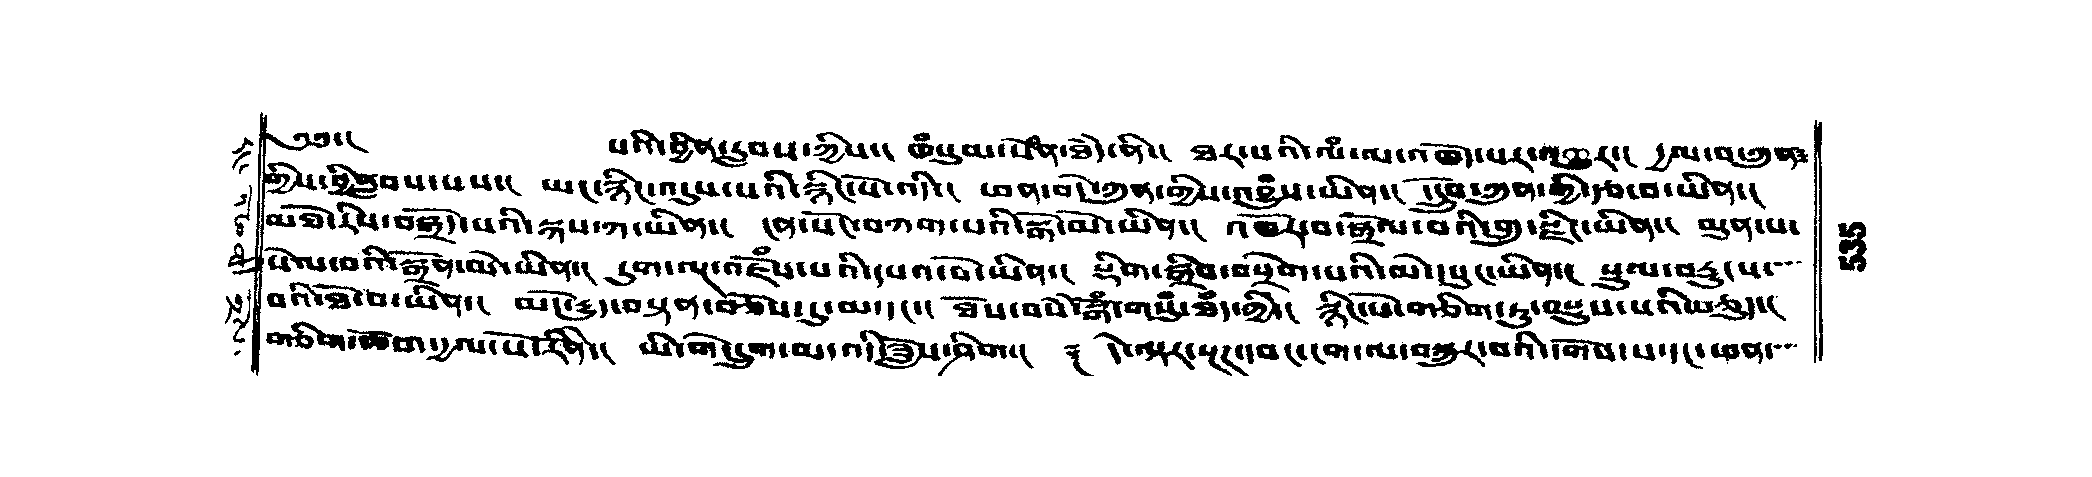པའི་བྱིན་རླབས་ཀྱིས། །ཁམས་གསུམ་སེམས་ཅན་ཐམས་ཅད་ནི། །ཐར་བའི་ལམ་ལ་འཁོད་པར་འགྱུར། །རྒྱལ་བ་ཀུན་
གྱི་བྱིན་རླབས་པས། །ཡང་སྙིང་འདུས་པའི་སྙིང་པོ་འདི། །ཕན་བདེ་ཀུན་གྱི་འབྱུང་གནས་ཡིན། །དངོས་གྲུབ་ཀུན་གྱི་རྩ་བ་ཡིན། །
མཐོ་རིས་བསྒྲོད་པའི་སྐས་ཀ་ཡིན། །ངན་སོང་བཀག་པའི་སྒོ་མོ་ཡིན། །འཁོར་བ་སྒྲོལ་བའི་གྲུ་རྫིང་ཡིན། །མུན་པ་
སེལ་བའི་སྒྲོན་མེ་ཡིན། །དུག་ལྔ་འཇོམས་པའི་དཔའ་བོ་ཡིན། །སྡིག་སྒྲིབ་བསྲེག་པའི་མེ་དཔུང་ཡིན། །སྡུག་བསྔལ་བསྡུངས་
བའི་ཐོ་བ་ཡིན། །མདོ་རྒྱུད་བསྟན་བཅོས་དུ་མ་དང་། ཐོས་བསམ་སྒོམ་གསུམ་ཐམས་ཅད་ཀྱི། །སྙིང་པོ་གཅིག་ཏུ་བསྡུས་པའི་བཅུད། །
གཅིག་ཆོག་རྒྱལ་པོ་རིན་པོ་ཆེ། །ཡི་གེ་དྲུག་པ་འདི་ཟློས་ཤིགདེ་ལྟར་སྔགས་དབང་ངག་ལ་བསྐུར་བའི་དགོས་པ་དང་ཕན་